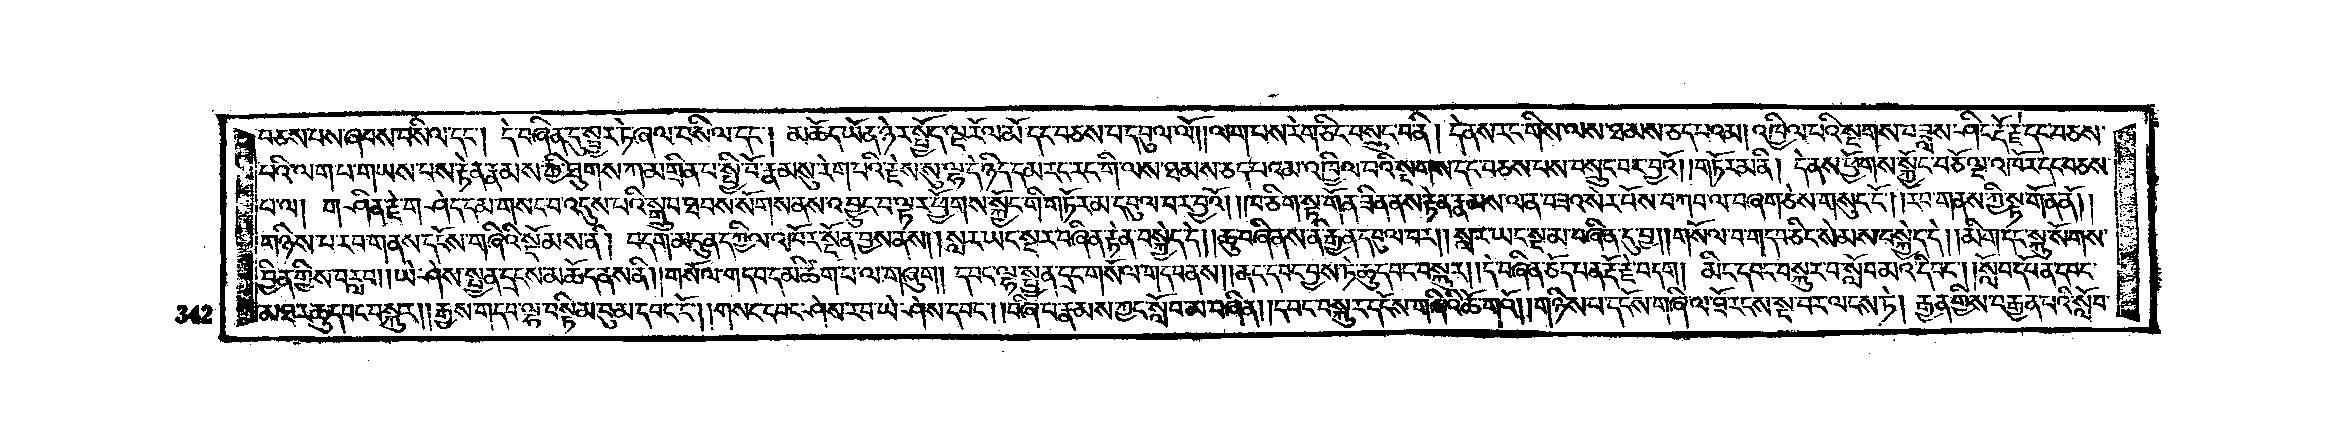བཅས་པས་ཞབས་བསིལ་དང་། དེ་བཞིན་དུ་སྦྱར་ཏེ་ཞལ་བསིལ་དང་། མཆོད་ཡོན་ཉེར་སྤྱོད་ལྔ་རོལ་མོ་དང་བཅས་པ་དབུལ་ལོ། །ལག་པས་རེག་ཅིང་བསྲུང་བ་ནི། དེ་ནས་རང་གིས་ལས་ཐམས་ཅད་པའམ། འཁྱིལ་པའི་སྔགས་བཟླས་ཤིང་རྡོ་རྗེ་དང་བཅས་
པའི་ལག་པ་གཡས་པས་རྟེན་རྣམས་ཀྱི་ཐུགས་ཀ་མགྲིན་པ་སྤྱི་བོ་རྣམས་སུ་རེག་པའི་རྗེས་སུ་ལྷ་དེ་ཉིད་དམ་རང་རང་གི་ལས་ཐམས་ཅད་པའམ་འཁྱིལ་པའི་སྔགས་དང་བཅས་པས་བསྲུང་བར་བྱའོ། །གཏོར་མ་ནི། དེ་ནས་ཕྱོགས་སྐྱོང་བཅོ་ལྔ་འཁོར་དང་བཅས་
པ་ལ། གཤིན་རྗེ་གཤེད་དམ་གསང་བ་འདུས་པའི་སྒྲུབ་ཐབས་སོགས་ནས་འབྱུང་བ་ལྟར་ཕྱོགས་སྐྱོང་གི་གཏོར་མ་དབུལ་བར་བྱའོ། །ཁ་ཅིག་སྟ་གོན་ཟིན་ནས་རྟེན་རྣམས་ལ་ན་བཟའ་སེར་པོས་བཀབ་ལ་བཞག་ཅེས་གསུང་ངོ། །རབ་གནས་ཀྱི་སྟ་གོན་ནོ། །
གཉིས་པ་རབ་གནས་དངོས་གཞིའི་སྡོམས་ནི། བདག་མདུན་དཀྱིལ་འཁོར་སྔོན་བྱས་ནས། །སླར་ཡང་སྔར་བཞིན་རྟེན་བསྐྱེད་དེ། །ཆུ་བཞི་ནས་ནི་རྒྱན་དབུལ་བར། །སླར་ཡང་སྔ་མ་བཞིན་དུ་བྱ། །གསོལ་བ་གདབ་ཅིང་སེམས་བསྐྱེད་དེ། །མིག་དང་སྐུ་སོགས་
བྱིན་གྱིས་བརླབ། །ཡེ་ཤེས་སྤྱན་དྲངས་མཆོད་ནས་ནི། །གསོལ་གདབ་དམ་ཚིག་པ་ལ་གཞུག །དབང་ལྷ་སྤྱན་དྲང་གསོལ་གདབ་ནས། །ནང་དབང་བྱས་ཏེ་ཆུ་དབང་བསྐུར། །དེ་བཞིན་ཅོད་པན་རྡོ་རྗེ་བདག། མིང་དབང་བསྐུར་བ་སློབ་མའི་དབང་། །སློབ་དཔོན་དབང་
མཐར་ཆུ་དབང་བསྐུར། །རྒྱས་གདབ་ལྷ་བསྟིམ་བུམ་དབང་ངོ། །གསང་དབང་ཤེས་རབ་ཡེ་ཤེས་དབང་། །བཞི་པ་རྣམས་ཀྱང་སློབ་མ་བཞིན། །དབང་བསྐུར་དངོས་གཞིའི་ཆོ་གའོ། །གཉིས་པ་དངོས་གཞི་ལ་ཐོ་རངས་སྔ་བར་ལངས་ཏེ། རྒྱན་གྱིས་བརྒྱན་པའི་སློབ་